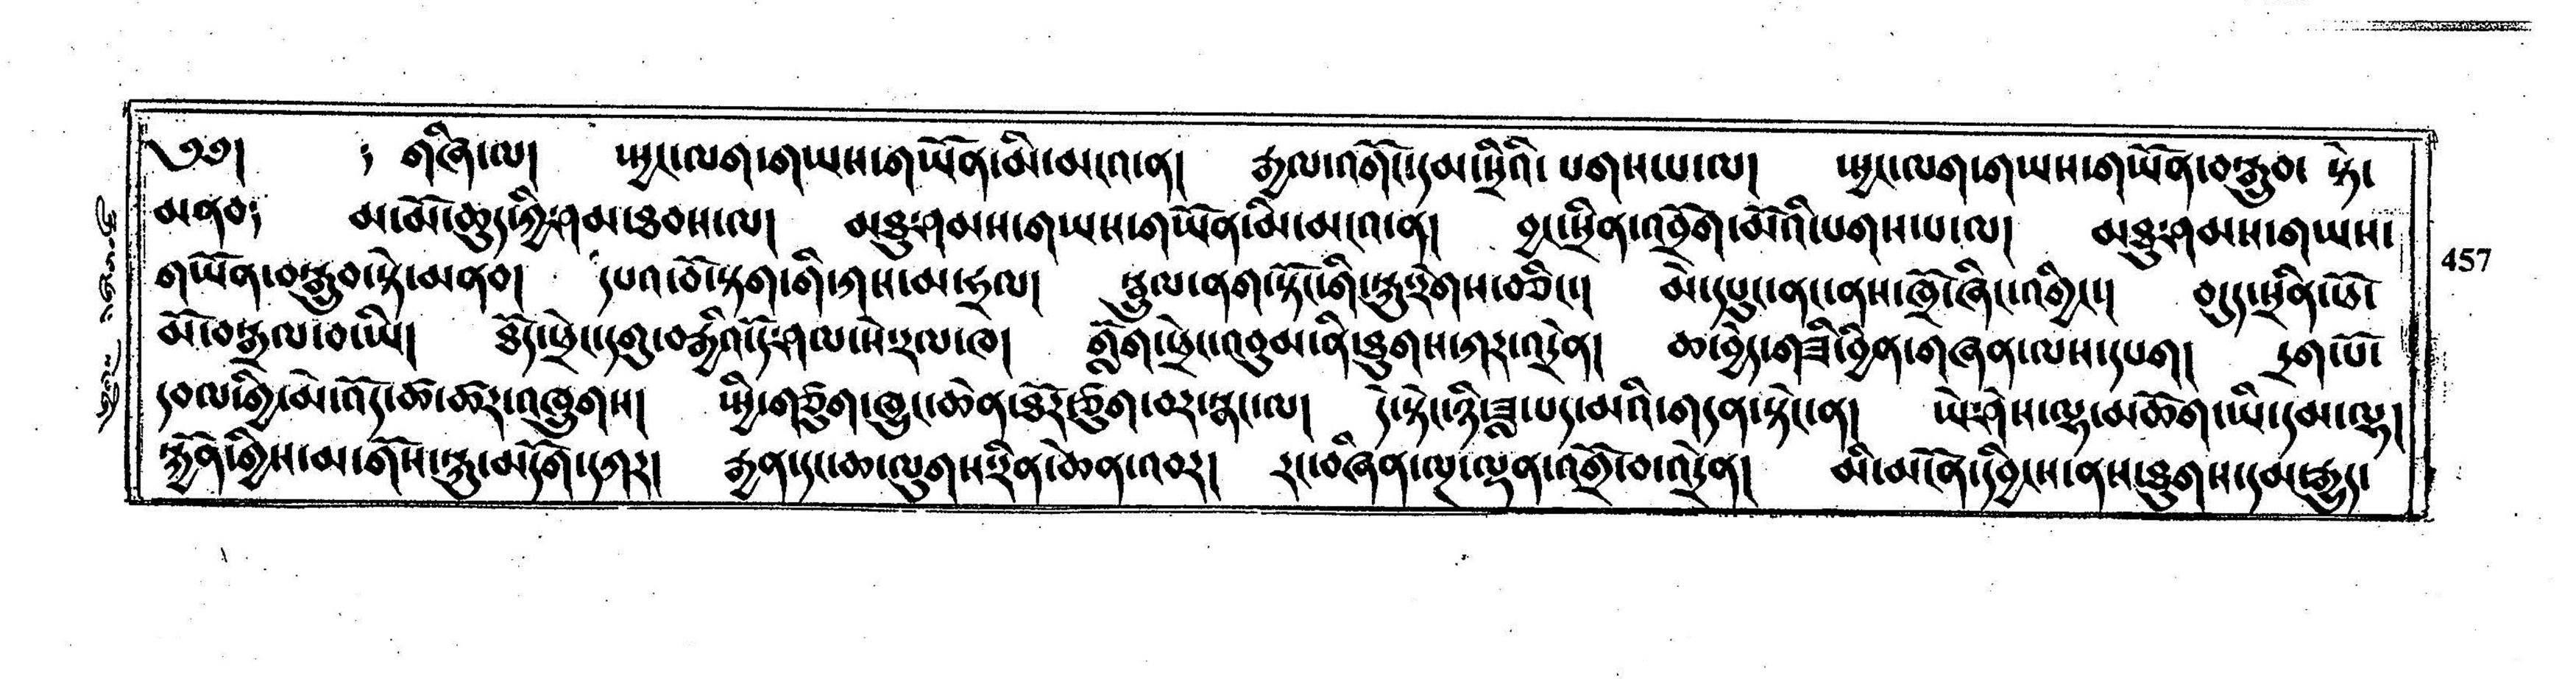གཞི་ལ། སྤྱང་ལག་གཡས་གཡོན་མི་མངའ་ན། རྒྱལ་འགོང་དམ་སྲིའི་པགས་པ་ལ། སྤྱང་ལག་གཡས་གཡོན་བསྒྲུབ་སྟེ་
མནབ། མ་མོ་ཆུད་ཀྱི་ཤམ་ཐབས་ལ། མཐུ་ཤམས་གཡས་
གཡོན་མི་མངའ་ན། བྱང་སྲིན་འབྲོག་མོའི་པགས་པ་ལ། མཐུ་ཤམས་གཡས་གཡོན་བསྒྲུབ་སྟེ་མནབ། དཔའ་བོ་སྟག་གི་ཀས་མ་ཧྲལ། སྦྲུལ་ནག་སྟོང་གི་སྐུ་རེགས་བཅིང་། མེ་དཔུང་ནང་ནས་ཁྲོ་ཞིང་འགྱིང་། བདུད་སྲིན་ཕོ་
མོ་བསྒྲལ་བ་ཡི། ཐོད་ཕྲེང་དགུ་བརྒྱའི་དོ་ཤལ་སེ་རལ་ཁ། གློག་ཕྲེང་འབུམ་ནི་ཐུགས་ཀར་འདྲེན། ཆ་བྱེད་གཟི་བྱིན་གཞན་ལས་དཔག དྲག་པོ་
དབལ་གྱི་མེ་འོད་ཚ་ཚར་འཁྲུགས། སྤྱི་གཙུག་ཁྱུང་ཆེན་ཐོར་ཙུག་བར་སྣང་ལ། དེ་སྟེང་ཉི་ཟླ་པད་མའི་གདན་སྟེང་ན། ཡེ་ཤེས་ལྷ་མཆོག་ཡི་དམ་ལྷ། 
སྐྱོན་གྱིས་མ་གོས་སྐུ་མདོག་དཀར། {471}རྒྱན་དང་ཆ་ལུགས་རིན་ཆེན་འབར། རང་བཞིན་ལྔ་ལྡན་འགྲོ་བ་འདྲེན། མི་མངོན་དབྱིངས་ནས་ཐུགས་དམ་རྒྱུད་